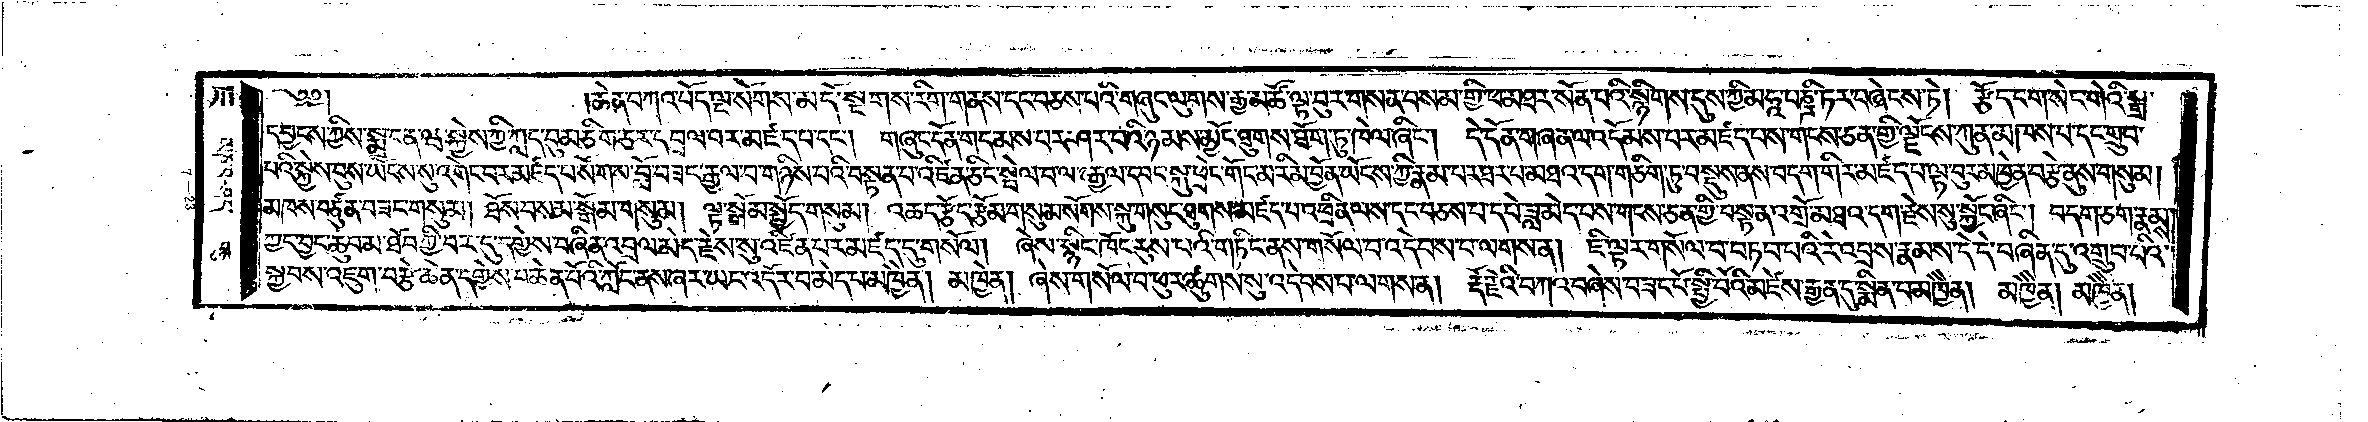༄༅། །ཆེན་བཀའ་པོད་ལྔ་སོགས་མདོ་སྔགས་རིག་གནས་དང་བཅས་པའི་གཞུང་ལུགས་རྒྱ་མཚོ་ལྟ་བུར་གསན་བསམ་གྱི་ཕ་མཐར་སོན་པའི་སྙིགས་དུས་ཀྱི་མཧཱ་པཎྜི་ཏར་བཞེངས་ཏེ། རྩོད་ངག་སེང་གེའི་སྒྲ་
དབྱངས་ཀྱིས་སྨྲ་ངན་ཝ་སྐྱེས་ཀྱི་ཀླད་བུམ་ཅིག་ཅར་དབྲལ་བར་མཛད་པ་དང་། གཞུང་དོན་གདམས་པར་ཤར་བའི་ཉམས་མྱོང་ཐུགས་ཐོག་ཏུ་ཁེལ་ཞིང་། །དེ་དོན་གཞན་ལ་འདོམས་པར་མཛད་པས་གངས་ཅན་གྱི་ལྗོངས་ཀུན་མཁས་པ་དང་གྲུབ་
པའི་སྐྱེས་བུས་ཡོངས་སུ་འགེང་བར་མཛད་པ་སོགས་བློ་བཟང་རྒྱལ་བ་གཉིས་པའི་བསྟན་པ་འཛིན་ཅིང་སྤེལ་བ་ལ ༧རྒྱལ་དབང་སྐུ་ཕྲེང་གོང་མ་རིམ་བྱོན་ཡོངས་ཀྱི་རྣམ་པར་ཐར་པ་མཐའ་དག་གཅིག་ཏུ་བསྡུས་ནས་བདག་གིར་མཛད་པ་ལྟ་བུར་མཁྱེན་བརྩེ་ནུས་གསུམ།
མཁས་བཙུན་བཟང་གསུམ། ཐོས་བསམ་སྒོམ་གསུམ། ལྟ་སྒོམ་སྤྱོད་གསུམ། འཆད་རྩོད་རྩོམ་གསུམ་སོགས་སྐུ་གསུང་ཐུགས་མཛད་པ་འཕྲིན་ལས་དང་བཅས་པ་དཔེ་ཟླ་མེད་པས་གངས་ཅན་གྱི་བསྟན་འགྲོ་མཐའ་དག་རྗེས་སུ་སྐྱོང་ཞིང་། བདག་ཅག་རྣམས།
ཀྱང་བྱང་ཆུབ་མ་ཐོབ་ཀྱི་བར་དུ་དགྱེས་བཞིན་འབྲལ་མེད་རྗེས་སུ་འཛིན་པར་མཛད་དུ་གསོལ། ཞེས་སྙིང་ཁོང་རུས་པའི་གཏིང་ནས་གསོལ་བ་འདེབས་པ་ལགས་ན། ཇི་ལྟར་གསོལ་བ་བཏབ་པའི་རེ་འབྲས་རྣམས་དེ་དེ་བཞིན་དུ་འགྲུབ་པའི་
སྐྱབས་འཇུག་བརྩེ་ཆེན་དགྱིས་པ་ཆེན་པོའི་ཀློང་ནས་ཞར་ཡང་འདོར་བ་མེད་པ་མཁྱཻན། མཁྱེན། ཞེས་གསོལ་བ་ཕུར་ཚུགས་སུ་འདེབས་པ་ལགས་ན། རྡོ་རྗེའི་བཀའ་བཞེས་བཟང་པོ་སྤྱི་བོའི་མཛེས་རྒྱན་དུ་སྨིན་པ་མཁྱཻཨེན། མཁྱཻཨེན། མཁྱཻཨེན།